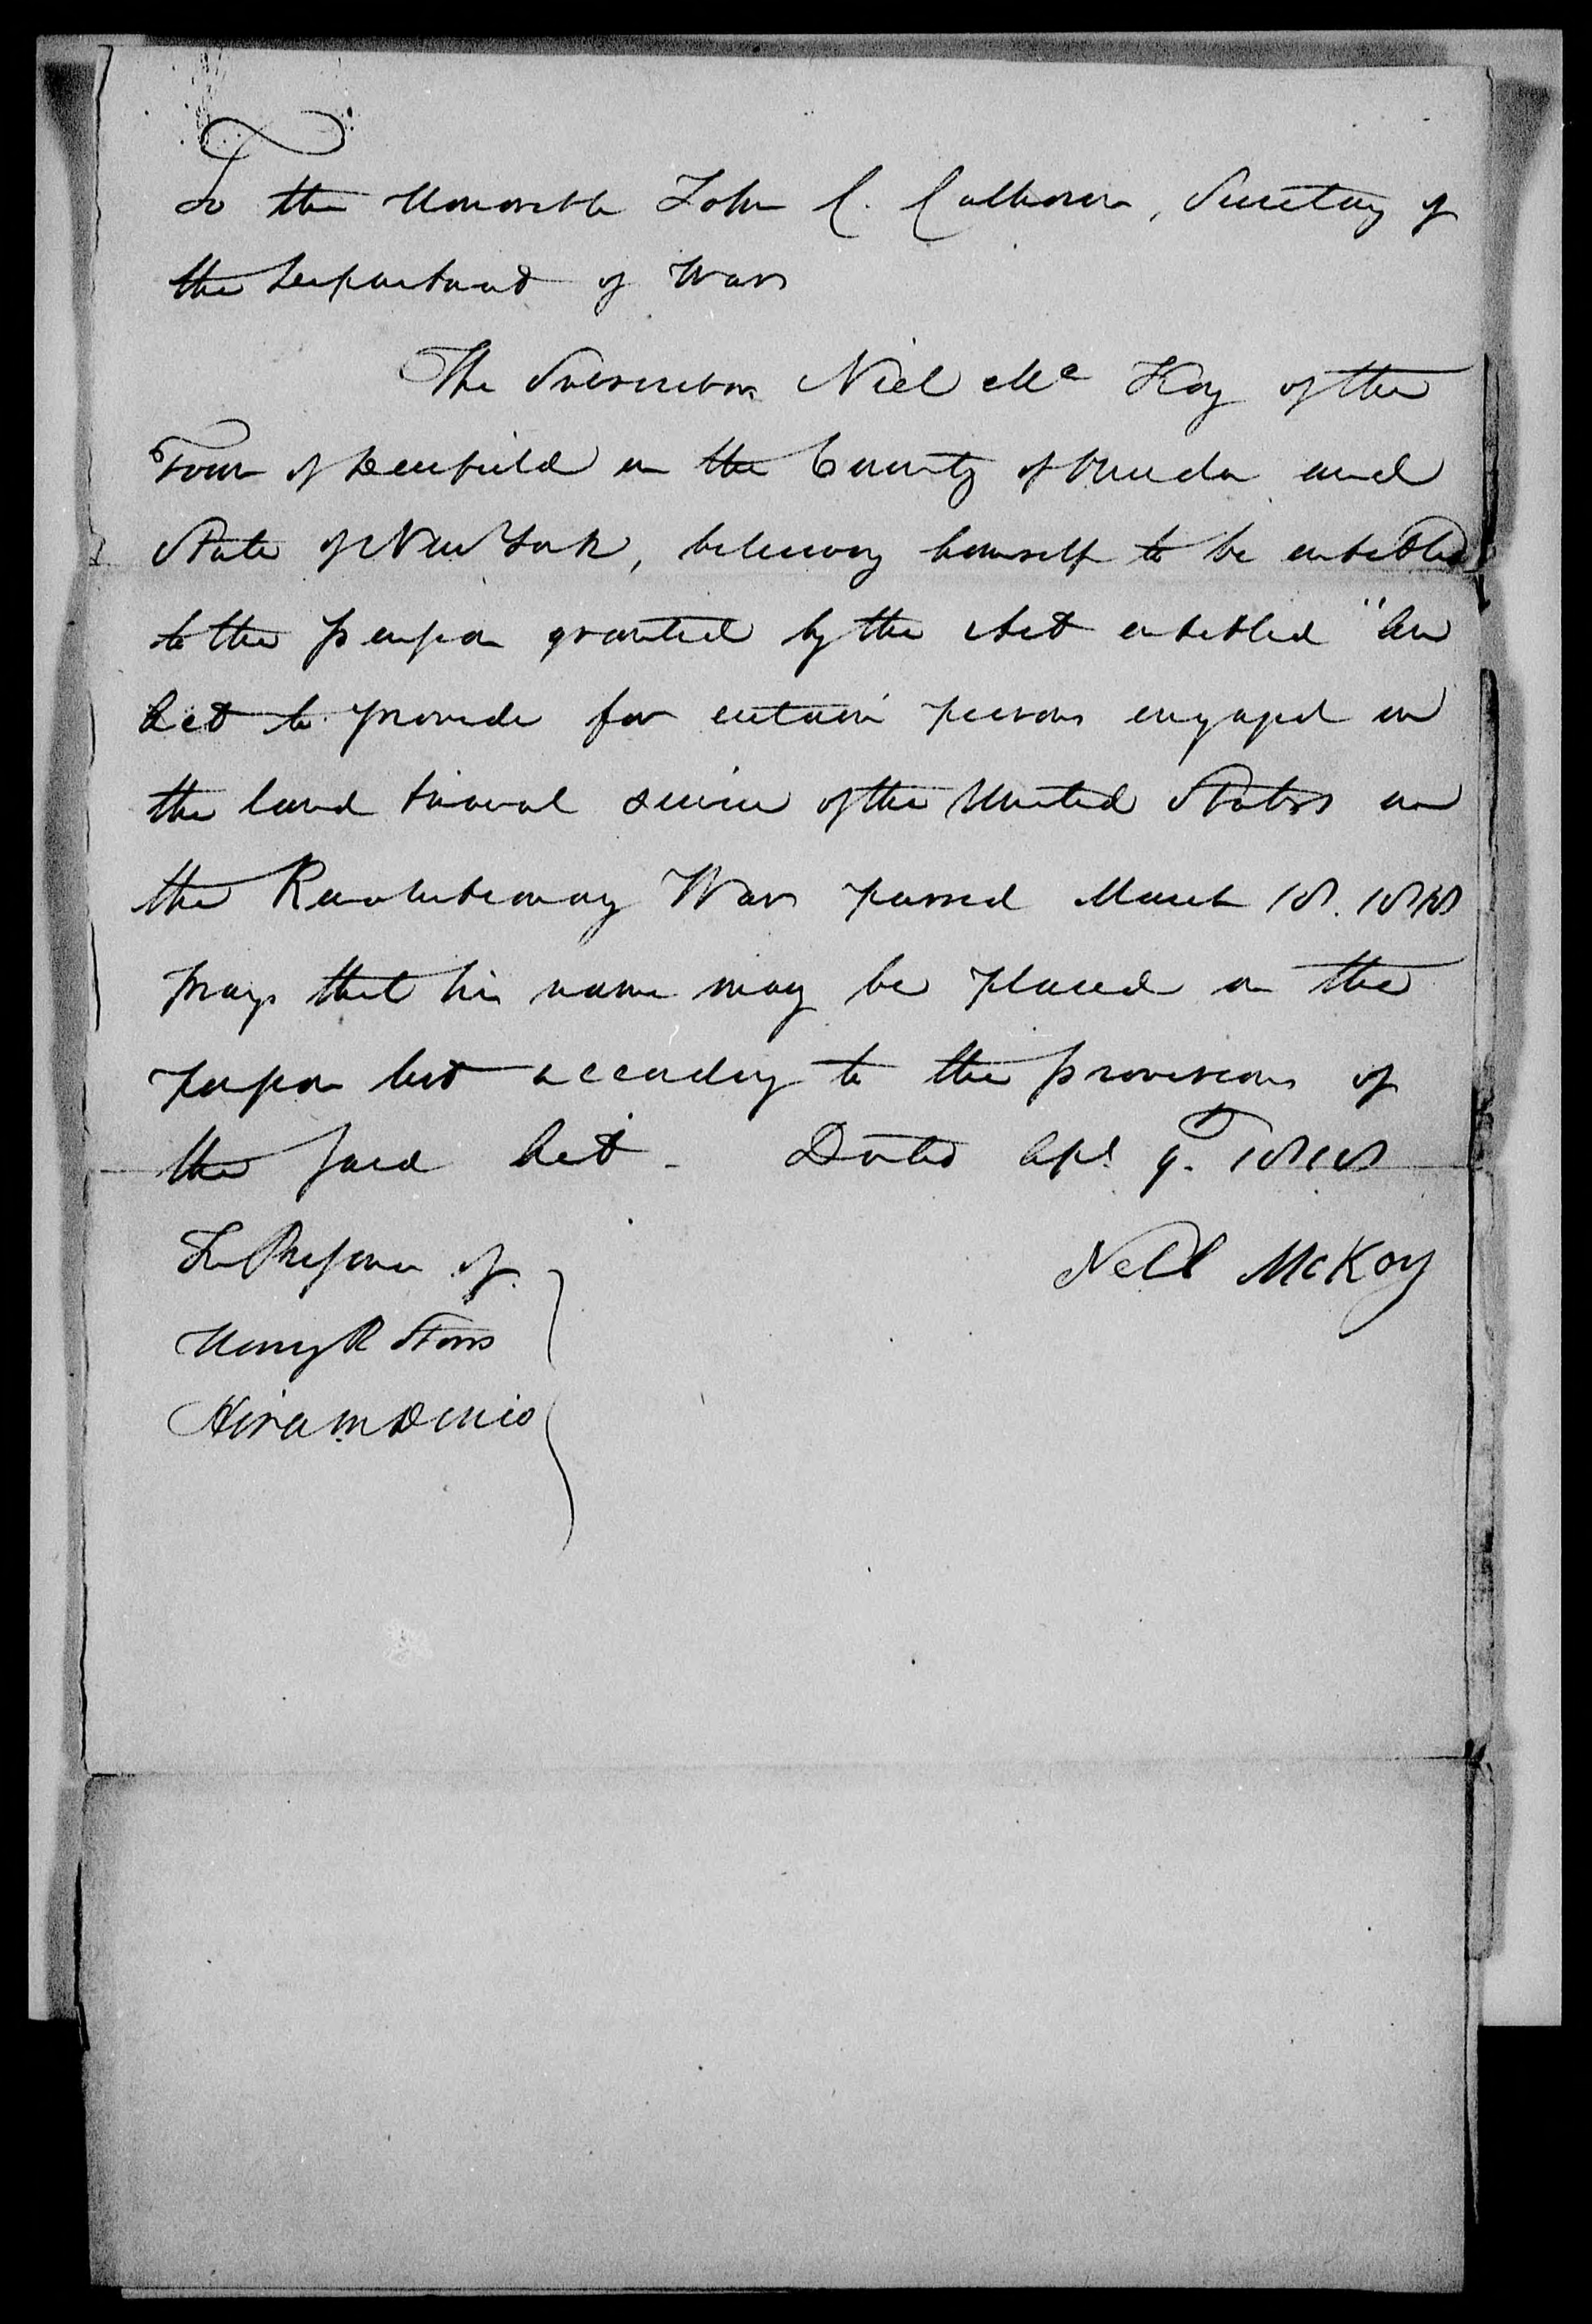To the Honorable John C Calhoun, Secretary of the [?] of War
The [?] Niel McKoy of the Town of Deerfield in the County of Oneida and State of New York, believing himself to be [?] to the pauper granted by the Act entitled "An Act to provide for certain persons engaged in the land [? ?] of the United States in the Revolutionary War passed March 10 1818 pray that his name may be placed on the paper according to the provisions of the [? ?]
Dated April 9, 1918
Nell McKoy
[? ?] of Manny R. Starrs [?]
Hiram Davis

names: John C Calhoun; Hiram Denis; Niel Mc Koy; Henry R Storrs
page: 5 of 11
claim: survivor's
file: S. 42951, for Neil Mc Koy, Massachusetts